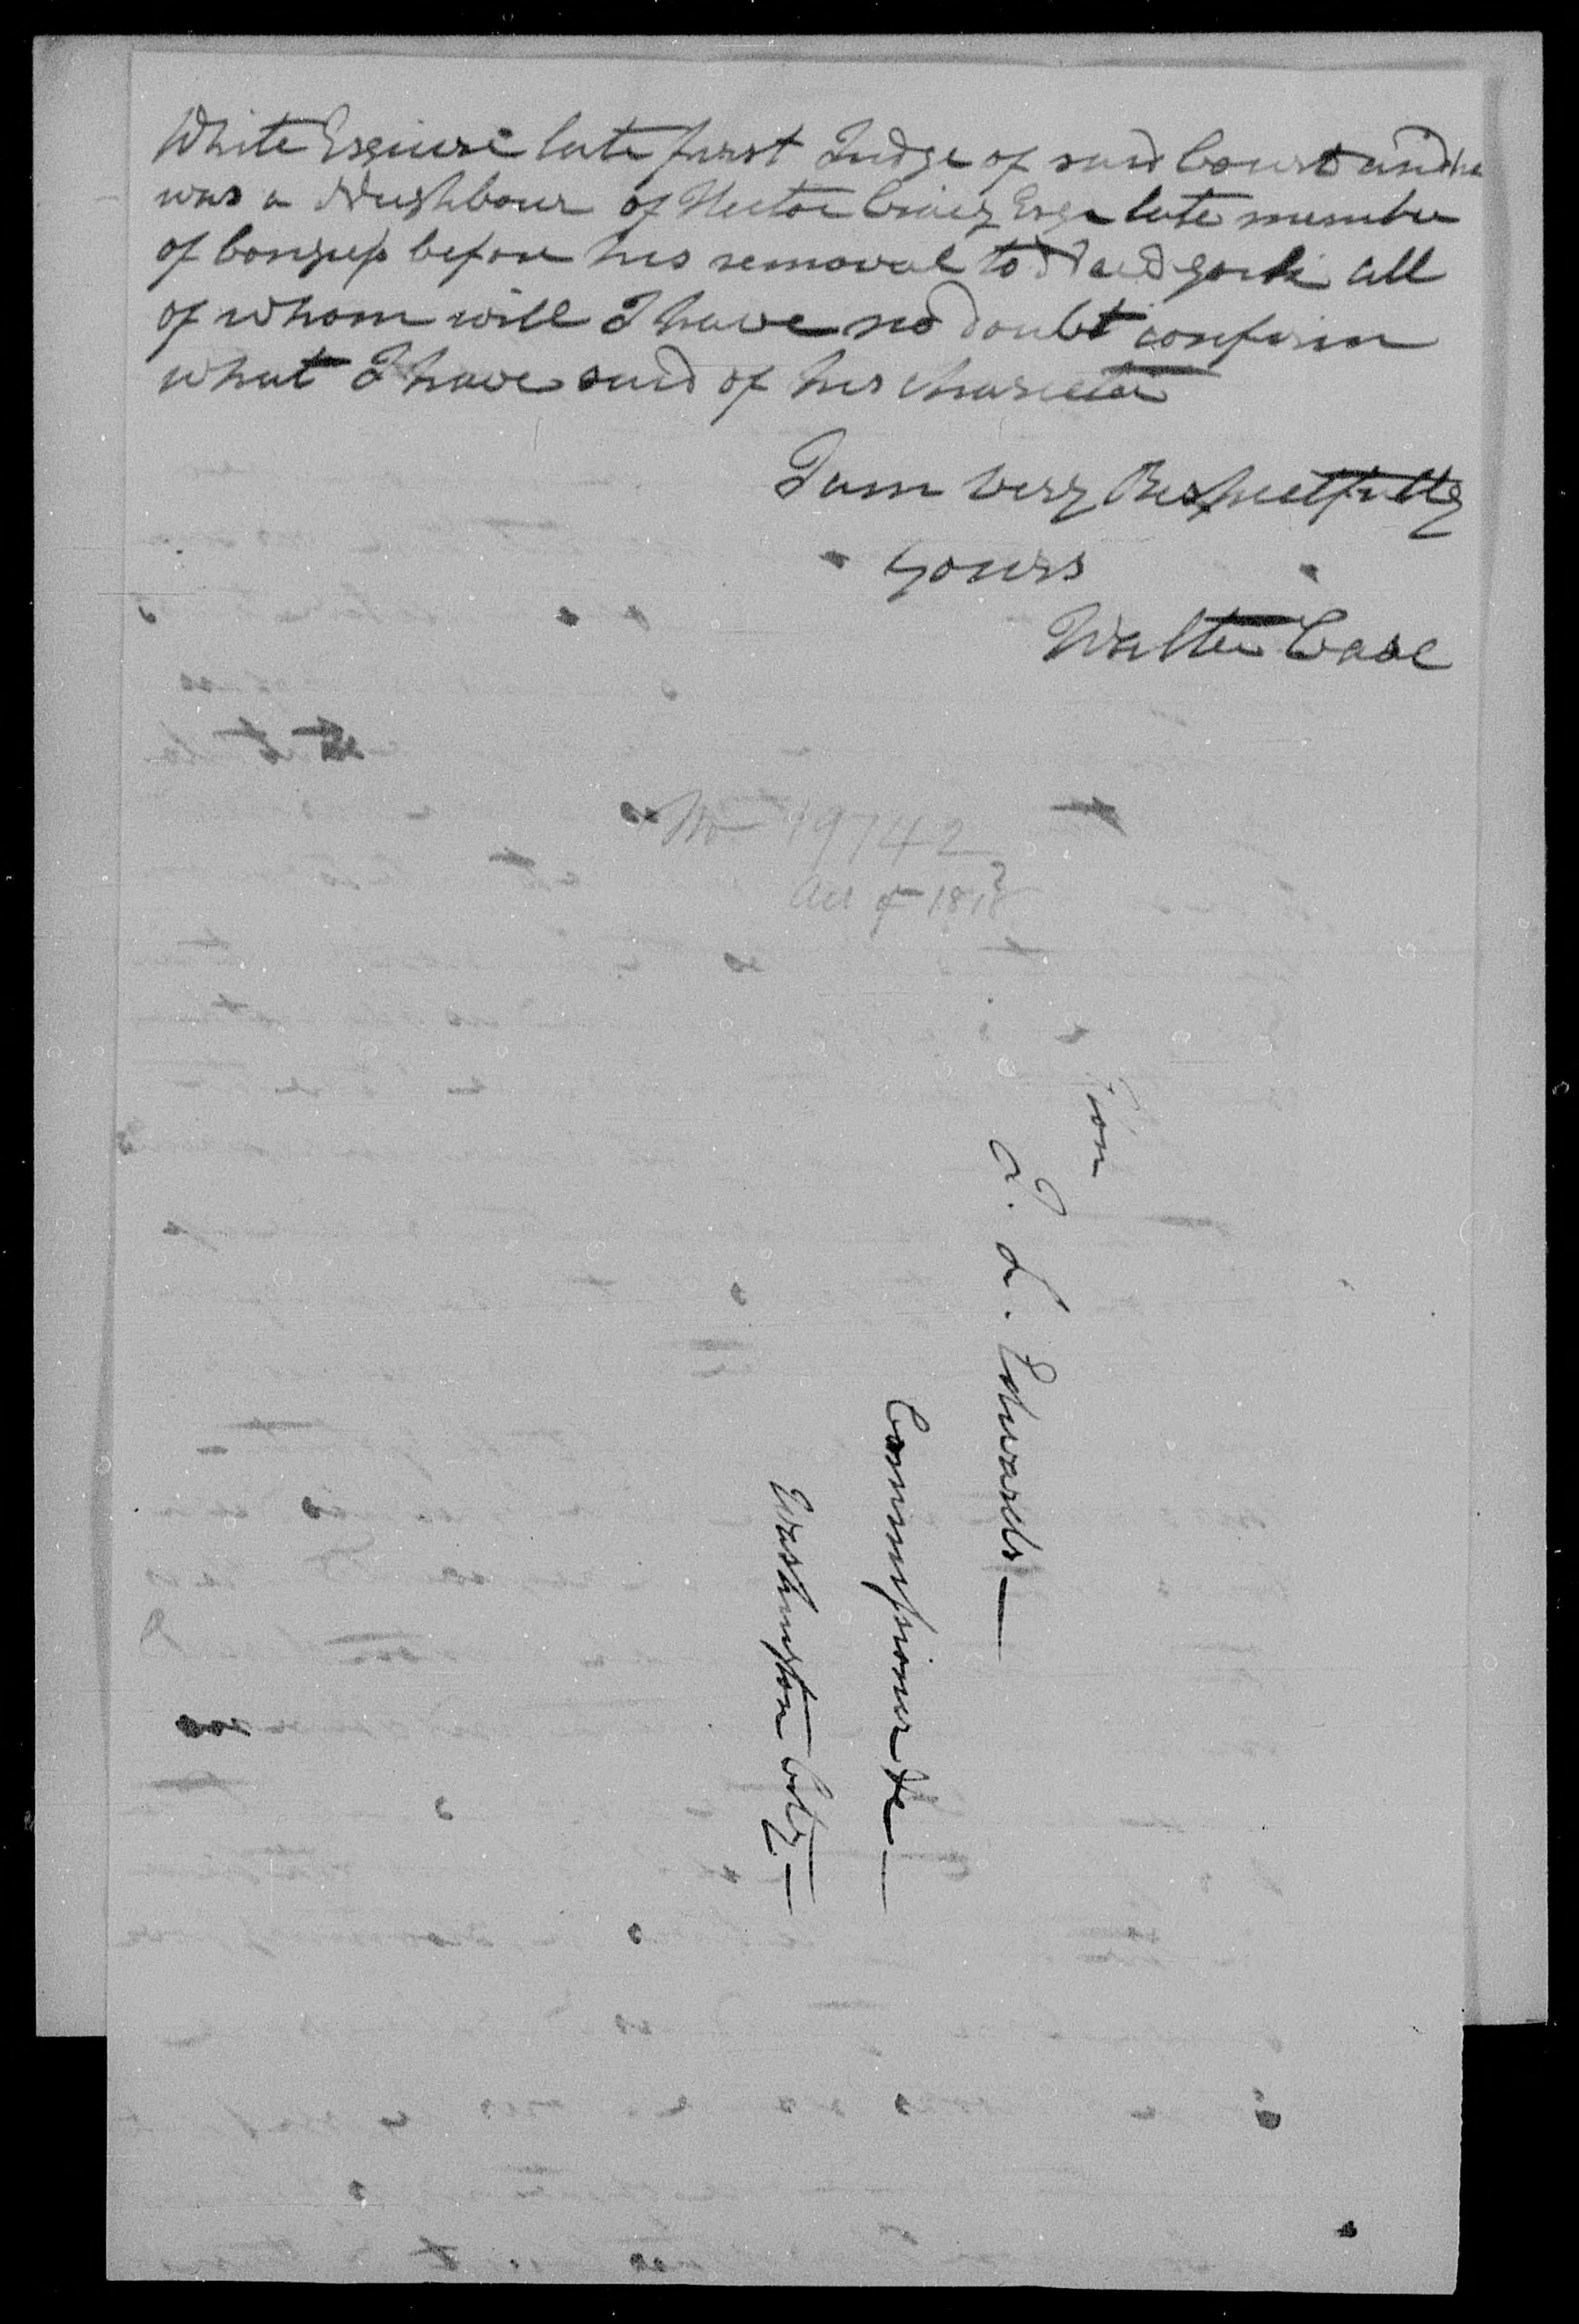White Esquire late first Judge of said Court and a
was a Neighbour of Hector Craig Esqr late member
of Congress before his removal to New York all
of whom will I have no doubt confirm
what I have said of his character

I
am Very Respectfully
Yours
Walter Case

No 19742
Act of 1818
J
Edwards -
Commissioner &c
Washington City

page: 59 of 64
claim: survivor's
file: S. 42,464, for William Terwilliger, New York